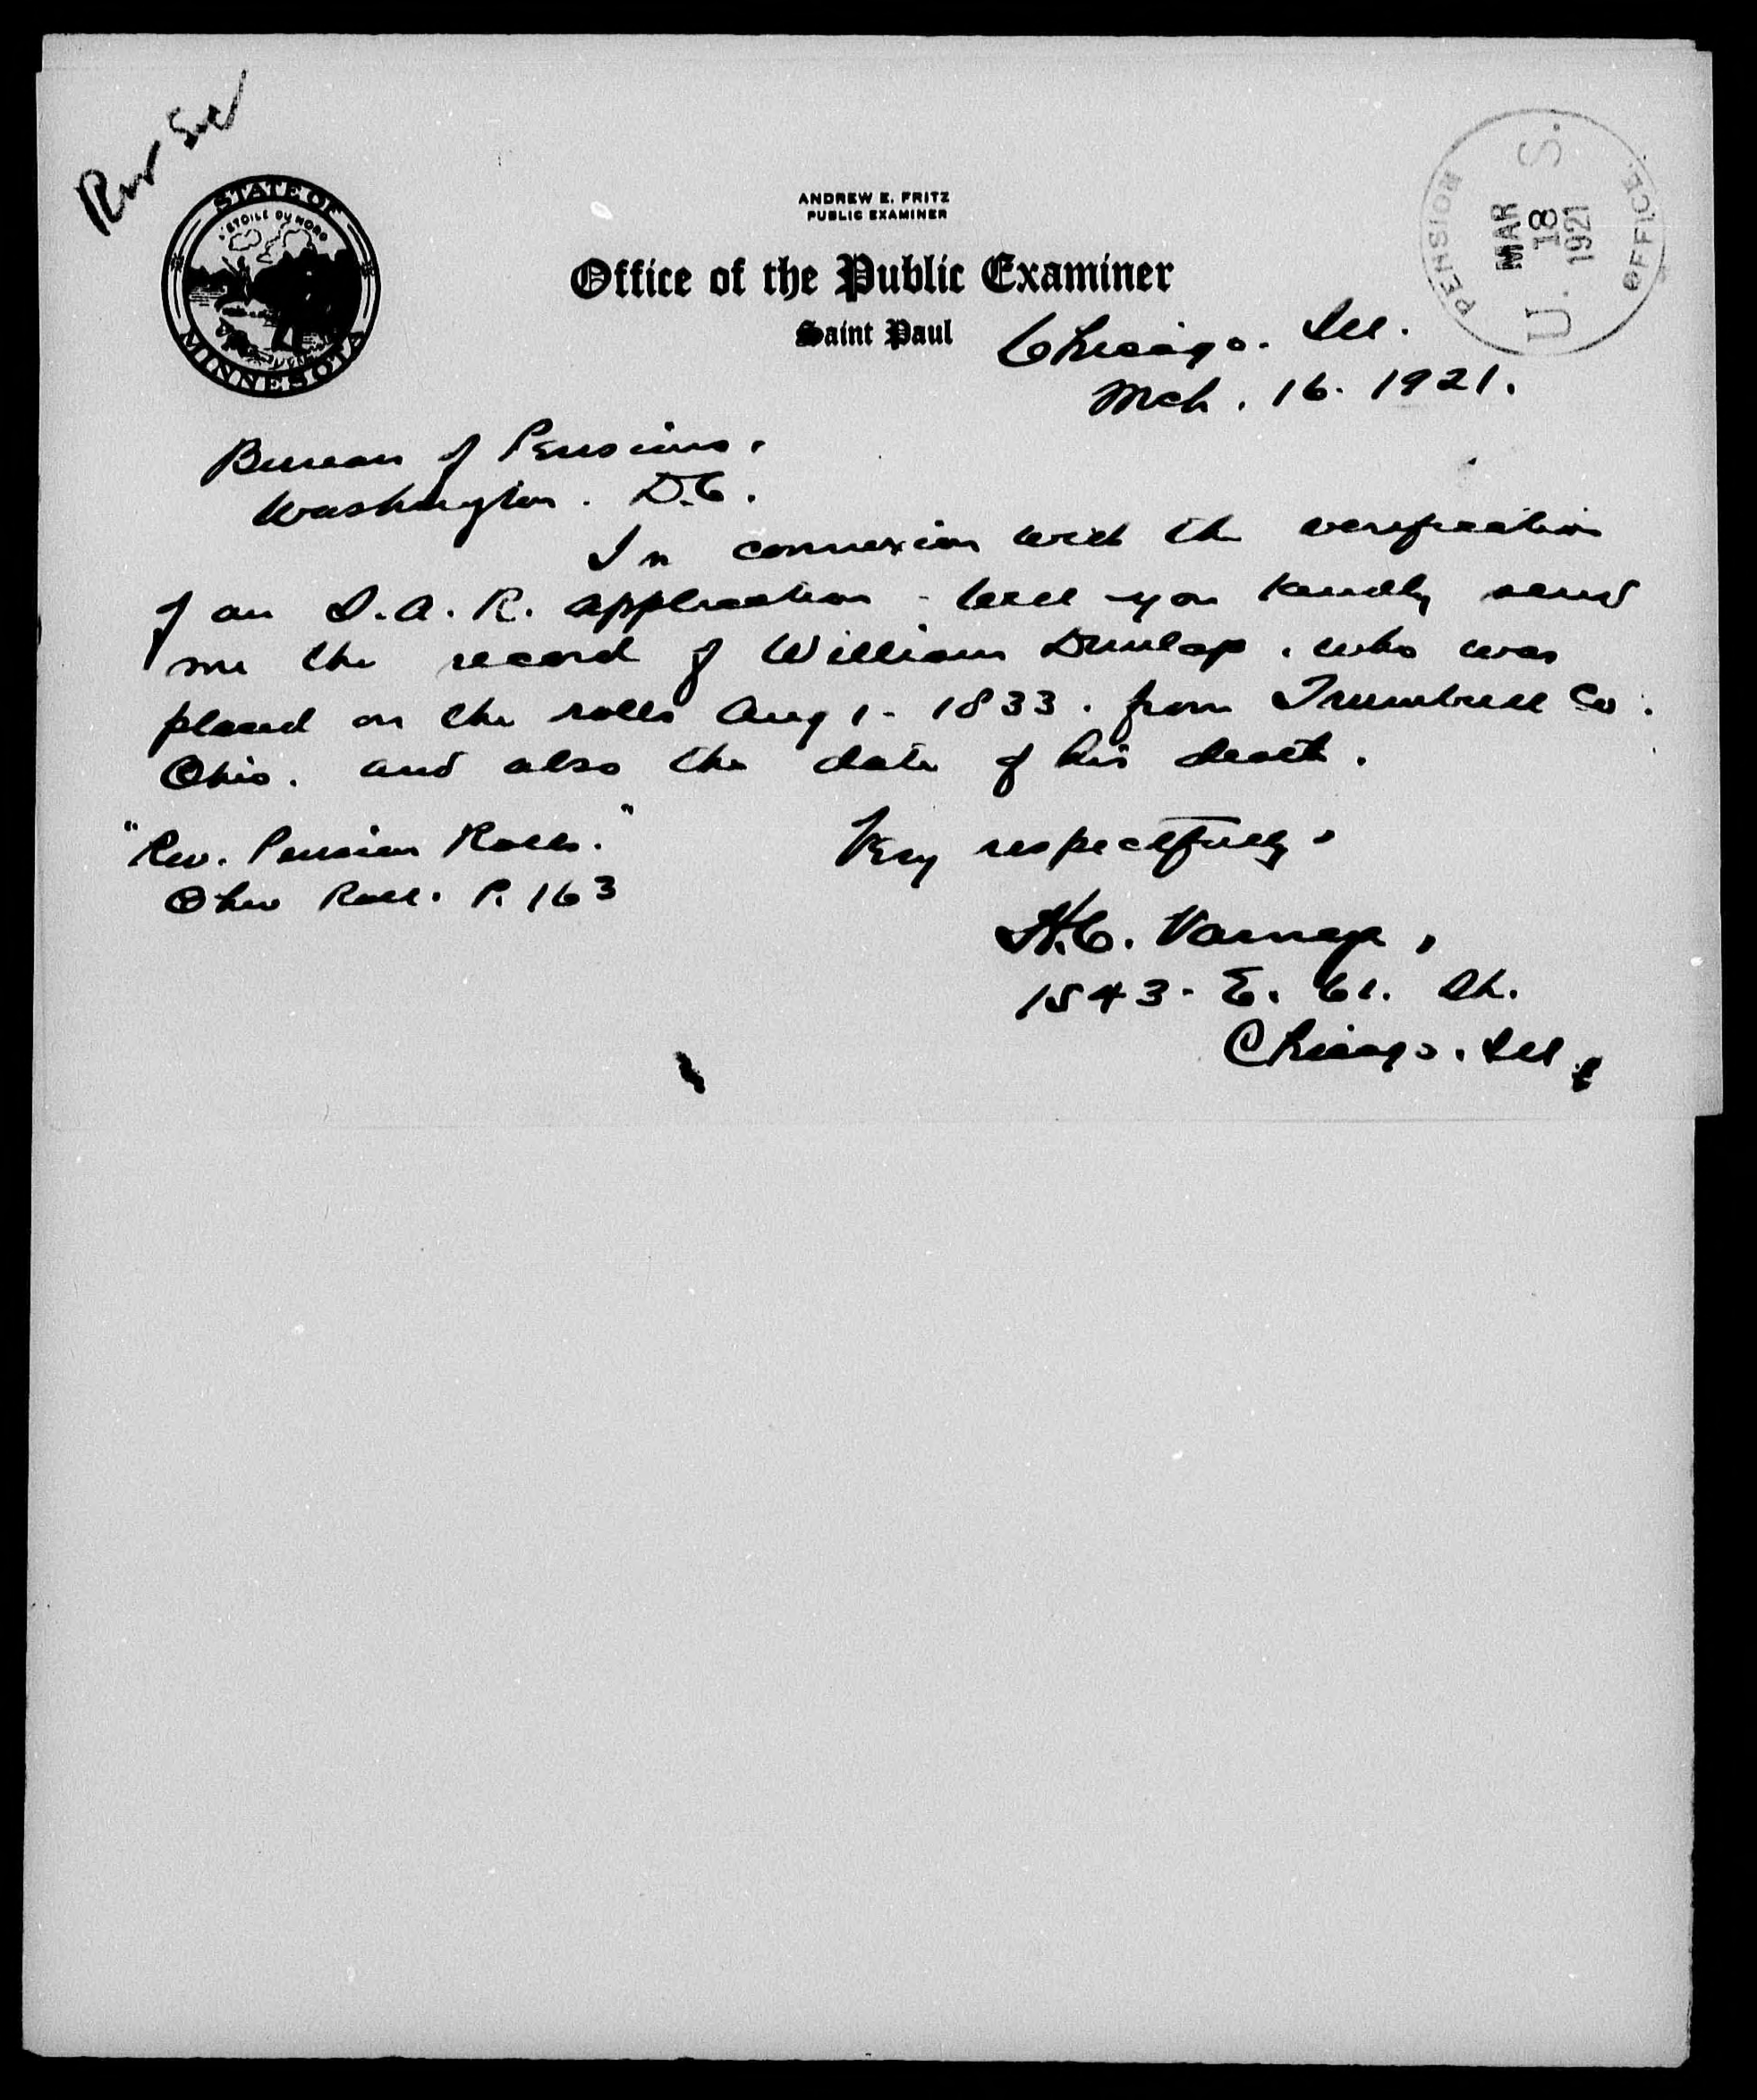[Printed] ANDREW E. FRITZ PUBLIC EXAMINER STATE OF MINNESOTA OFFICE OF THE PUBLIC EXAMINER SAINT PAUL 

[Stamped] U.S. PENSION OFFICE MAR 18 1921

[Handwritten]
Chicago, Ill. Mch. 16. 1921.
Bureau of Pensions, Washington D.C.
In connection with the verification of an I.A. R. application will you kindly send me the record of William Dunlap, who was placed on the rolls Aug 1. 1833. from Trumbull Co. Ohio. and also the date of his death.

"Rev. Pension Rolls." Ohio Roll. P. 163

Very respectfully, 
H.C. Varney, 1543. E. 61. St. Chicago, Ill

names: Andrew E Fritz, H C Varney, William Dunlap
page: 21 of 24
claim: survivor's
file: S. 15,415, William Dunlap, Penn.